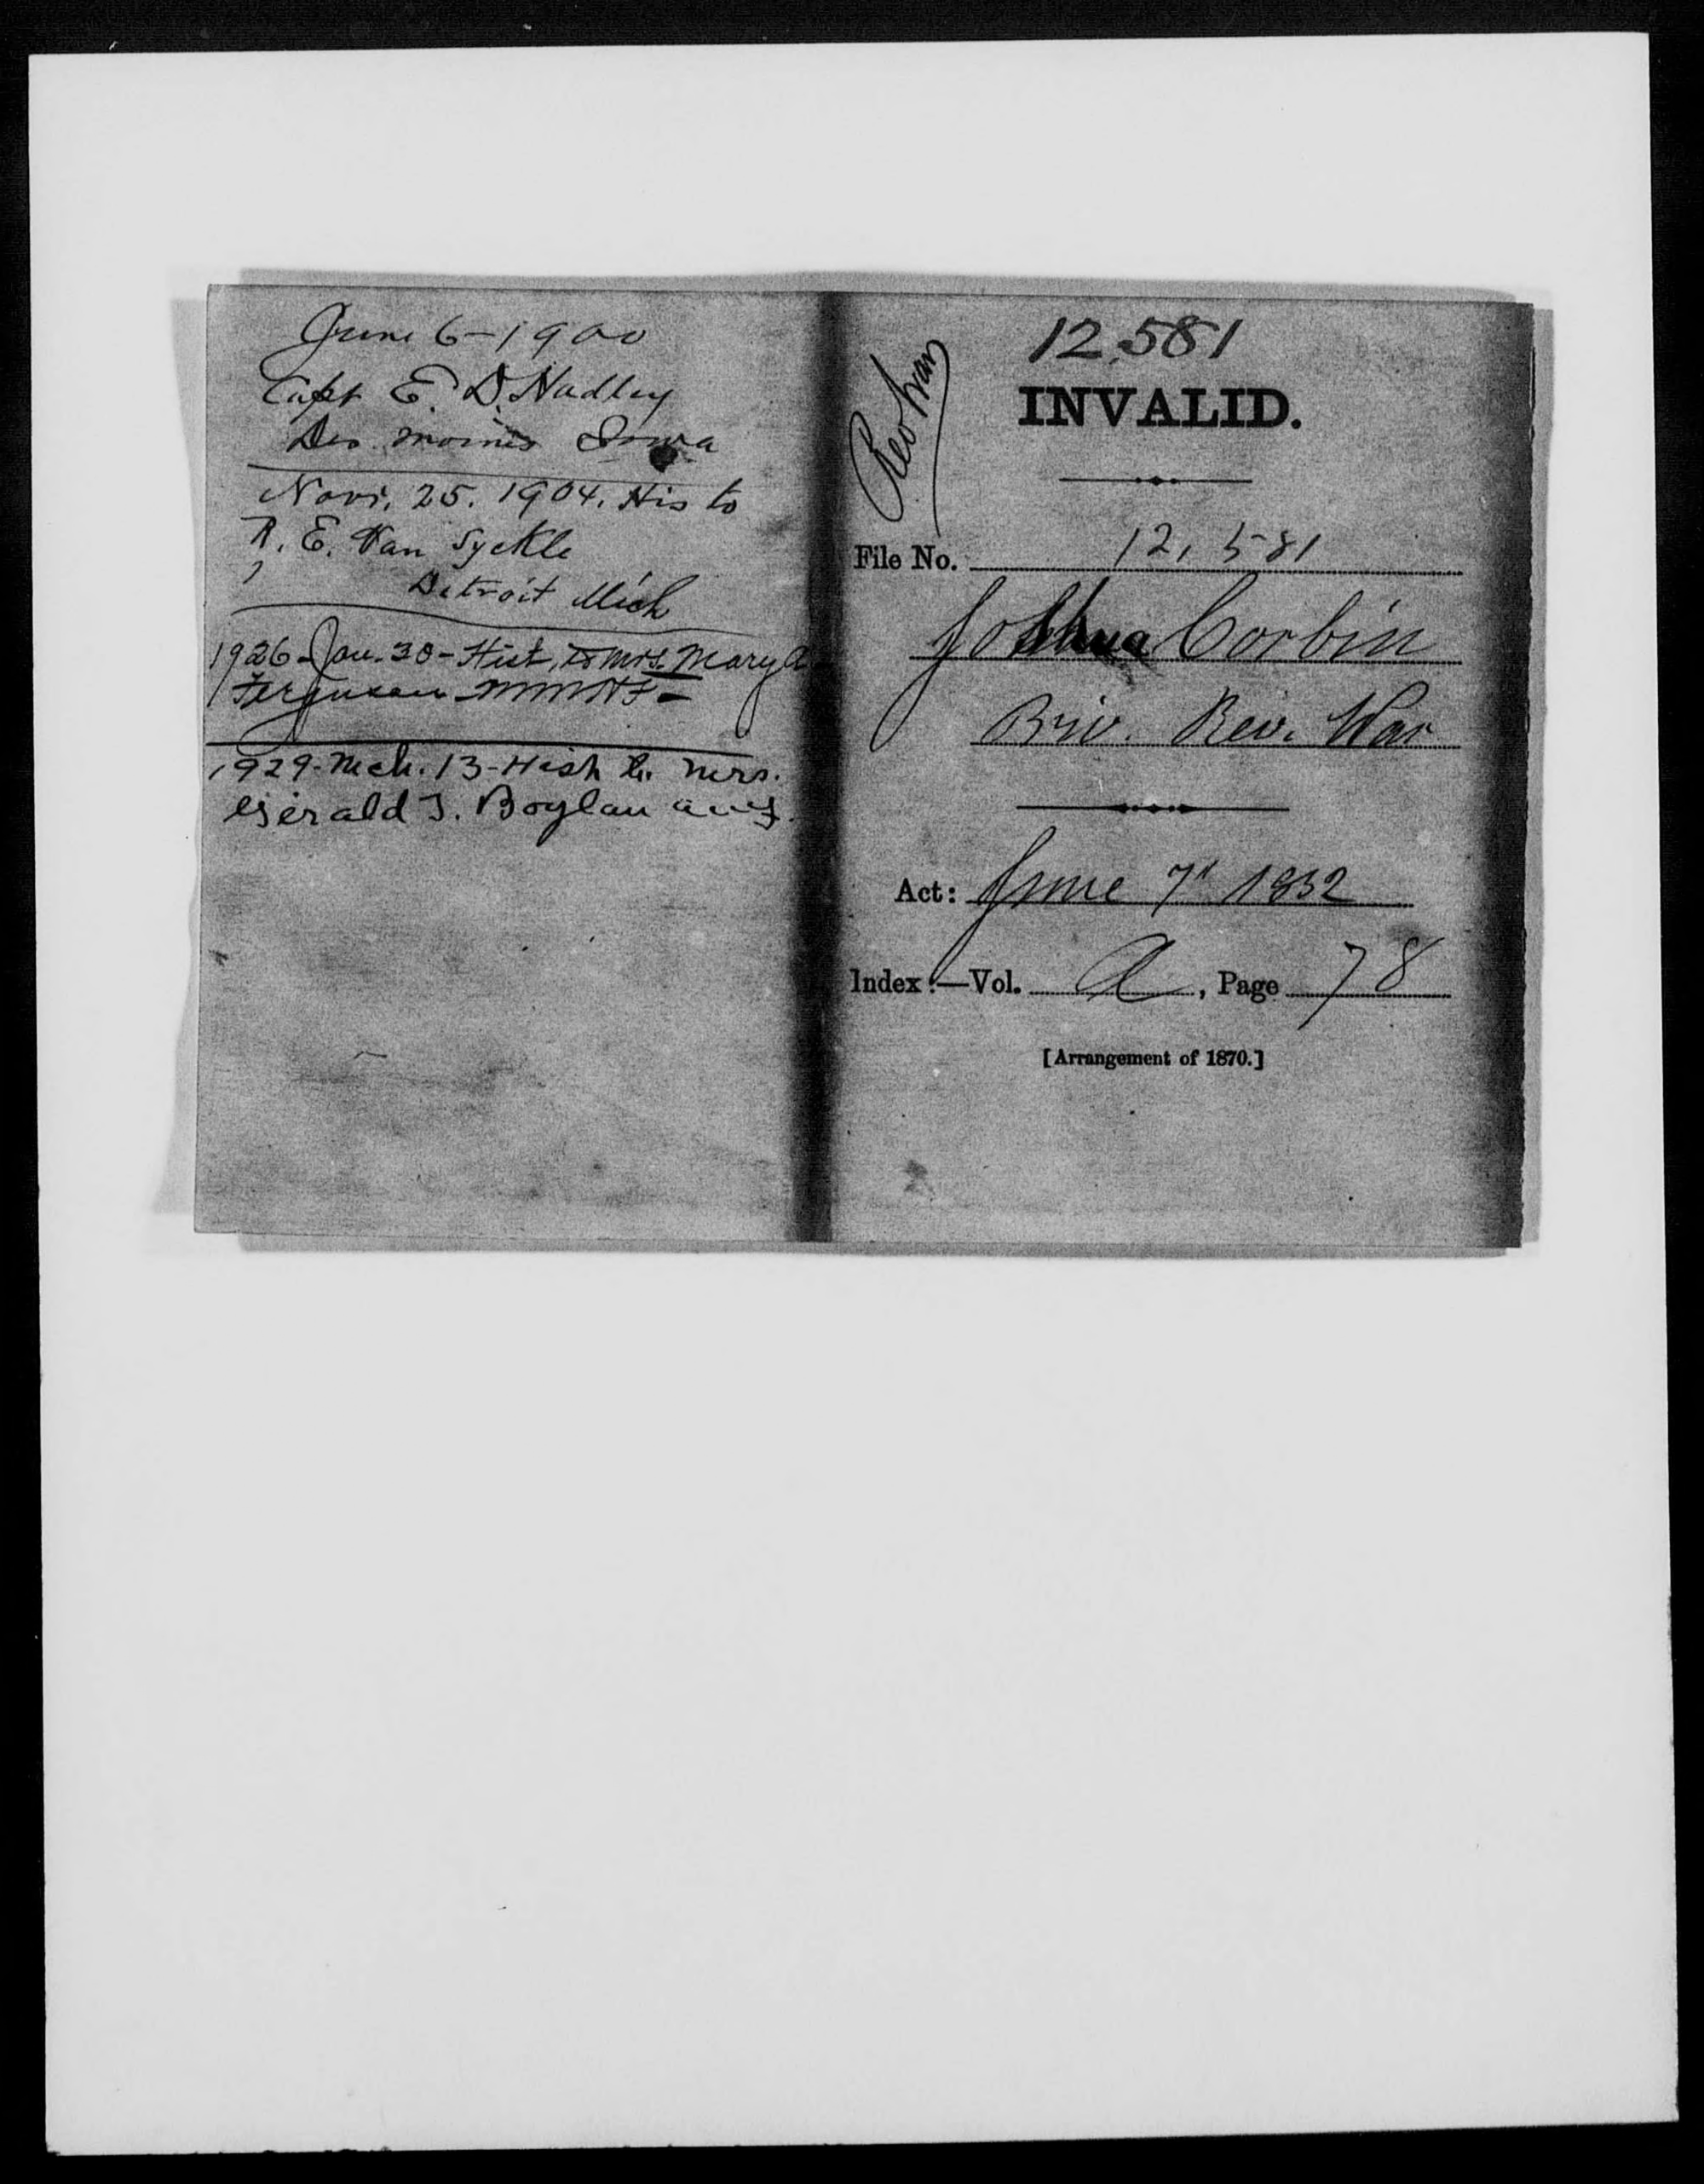June 6 - 1900
Capt E D Hadley
Des Moines Iowa

Nov 25, 1904
His to RE Van Syckle
Detroit, Mich.

1926 , Jan 30 - Hist to Mrs. Mary A Furguson (illegible)

1929 - Mch 13 - Hist to Mrs. Gerald J. Boylan (illegible)

12,581
INVALID.

File No. 12,581
Joshua Corbin
Priv. Rev. War
Act: June 7th 1832
Index (blank) Vol. A, Page 78
[Arrangement of 1870.]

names: R E Van Syckle, Gerald T Boylan, Mary A Ferguson, Joshua Corbin, E D Hadley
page: 28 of 34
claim: survivor's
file: S. 12581, Joshua Corbin, Mass.